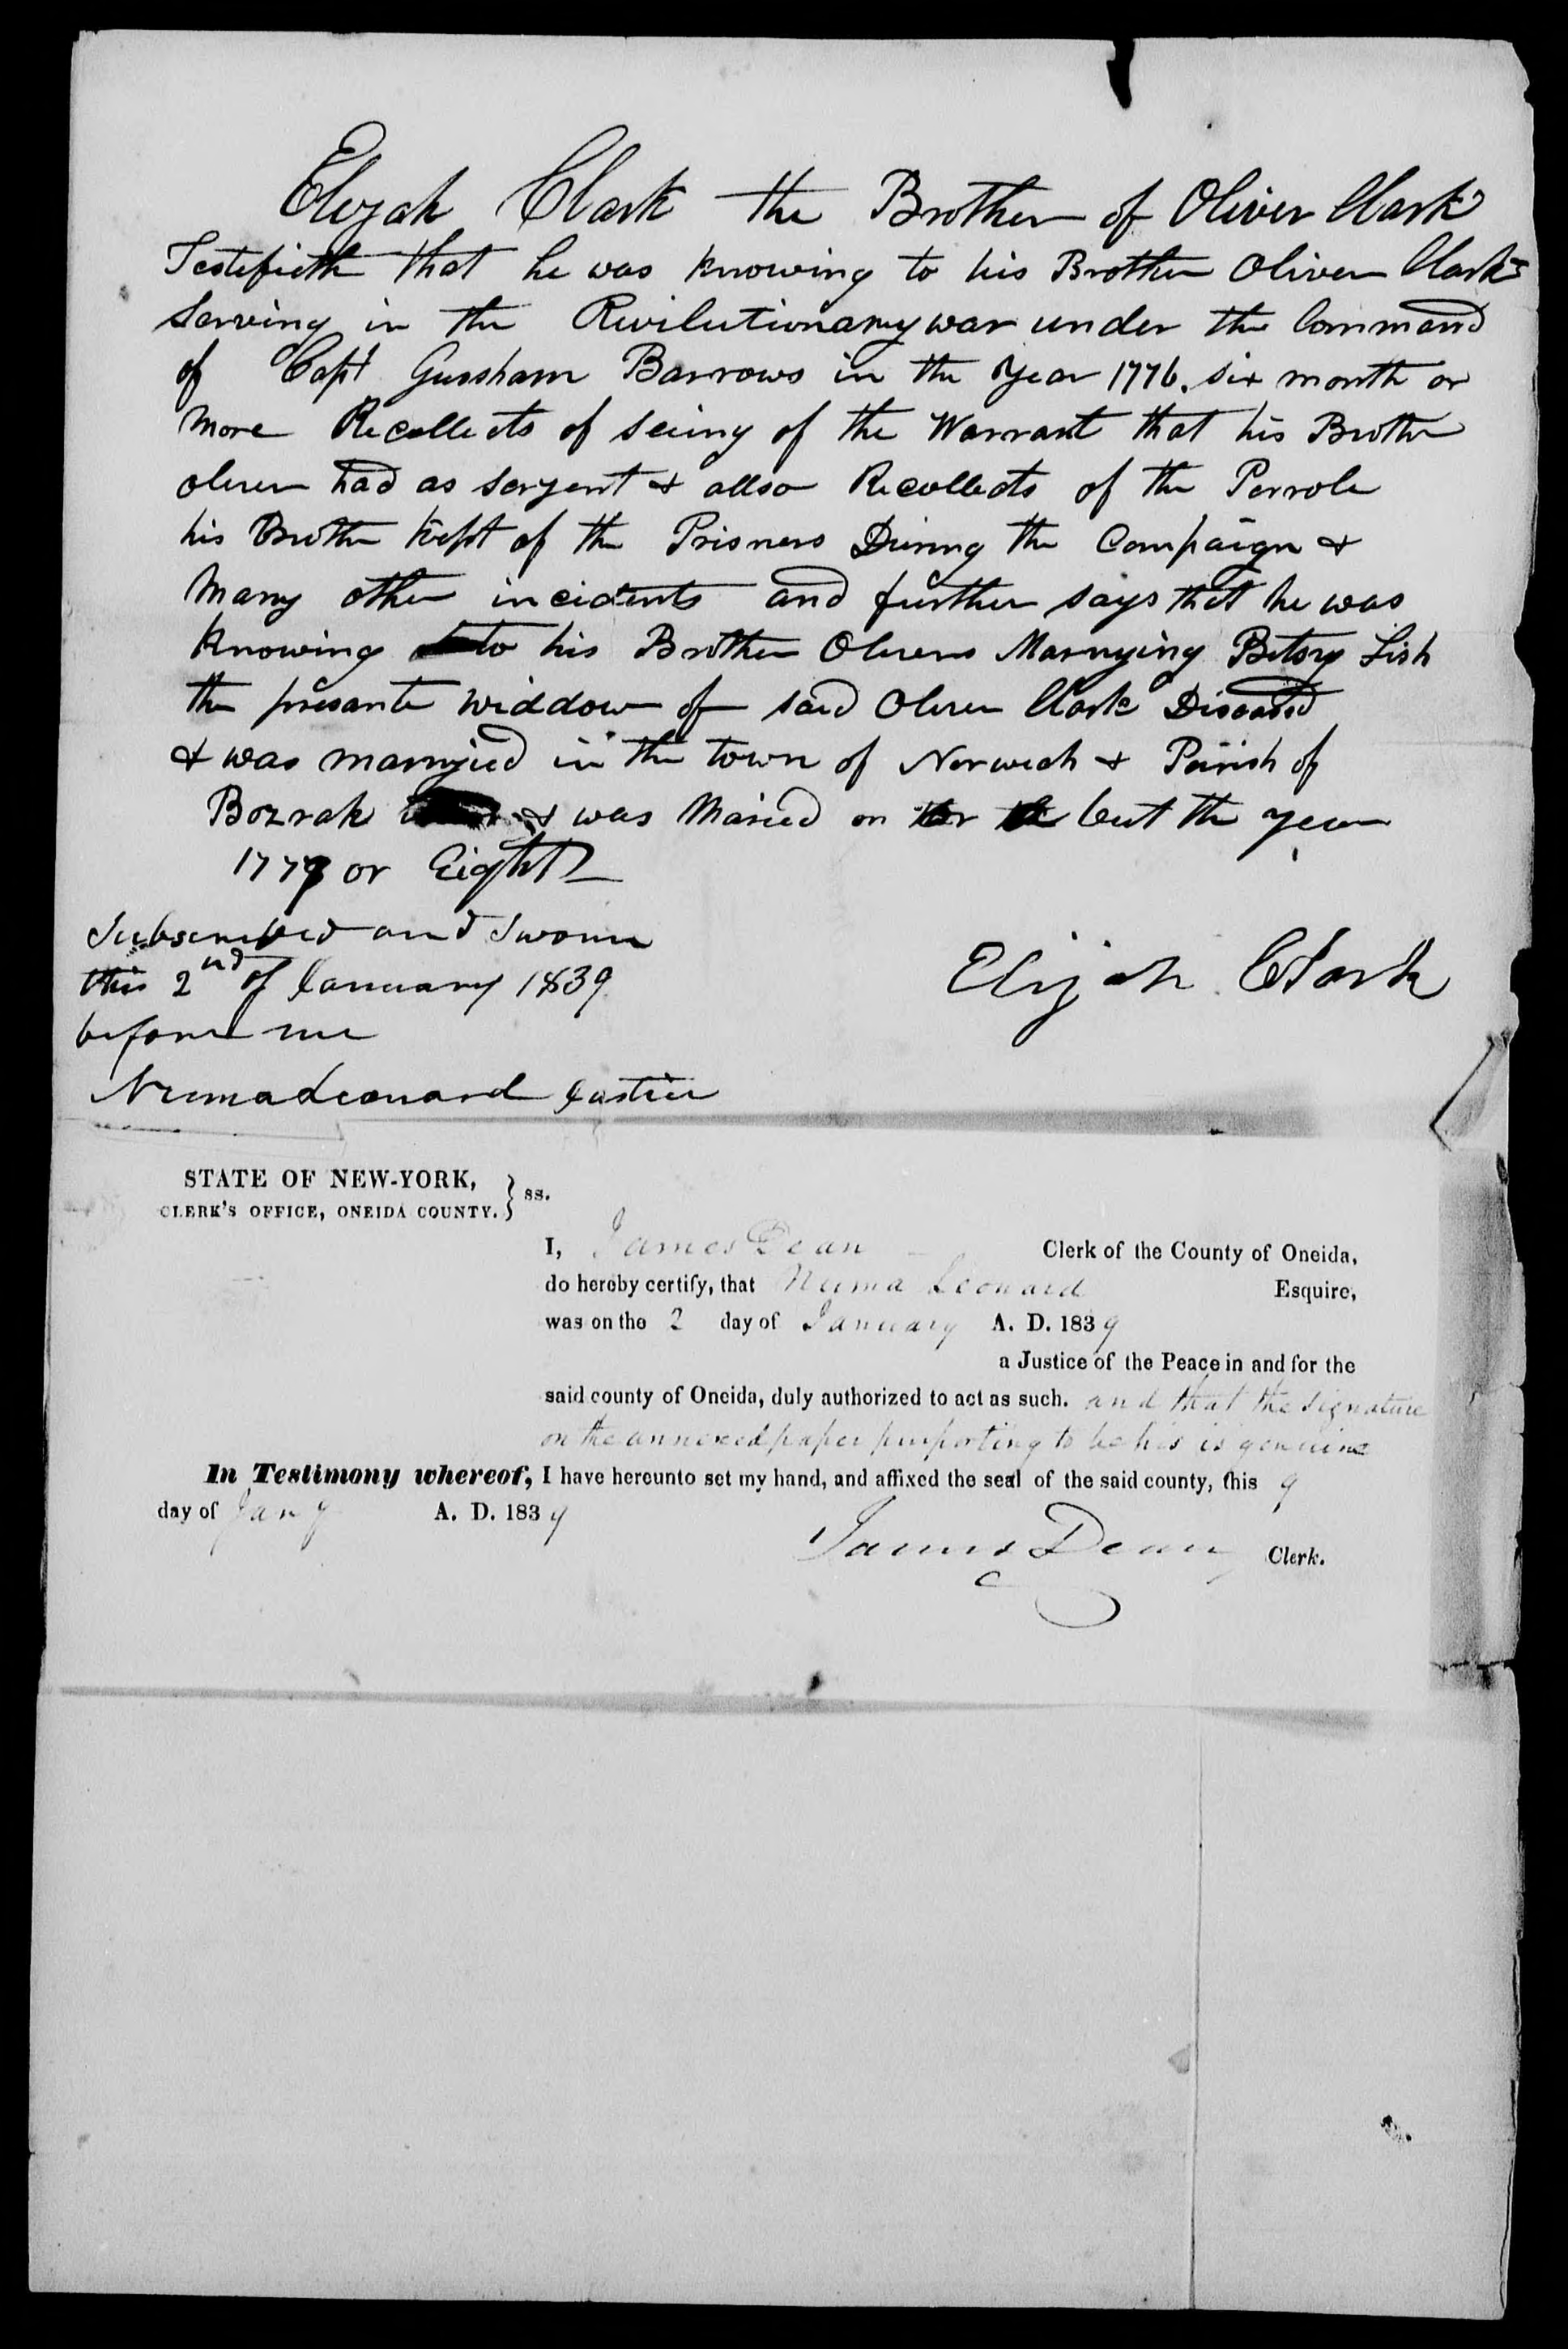[handwritten]
Elijah Clark the Brother of Oliver Clark Testifieth that he was knowing to his Brother Oliver Clarks Serving in the Revolutionary war under the Command of Capt Gursham Barrows in the Year 1776. Six months or more  Recollects of seeing of the Warrant that his Brother Oliver had as Sergeant & allso Recollects of the Parrole his Brother kept of the Prisoners During the campaign & Many other incidents and further says that he was knowing to his Brother Olivers Marrying Betsy Lish the present widdow of said Oliver Clark Diseased & was marryied in the town of Norwich & Parish of Bozrah & was Married or [scratched out] but the year 1777 or Eight.
[signed]
Elijah Clark 
Subscribed and Sworn
this 2nd of January 1839
before me
[signed]
Neoma Leonard Justice

State of New-York, 
Clerk’s Office, Oneida County. } ss.

I, James Dean Clerk of the County of Oneida, do hereby certify, that Neoma Leonard Esquire, was on the 2 day of January A.D. 1839 a Justice of the Peace in and for the said county of Oneida, duly authorized to act as such. And that the signature on the annexed paper purporting to be his is genuine  In Testimony whereof, I have hereunto set my hand, and affixed the seal of the said county, this 9 day Jany A.D. 1839

[signed] James Dean, Clerk.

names: Oliver Clark, James Dean, Neoma Leonard, Gursham Barrows, Oliver, Oliver Clark, Oliver, Neoma Leonard, Oliver Clark, Elijah Clark, Betsy Fish, James Dean, Elijah Clark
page: 6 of 51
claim: widow's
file: W. 23816, Oliver Clark, Conn.